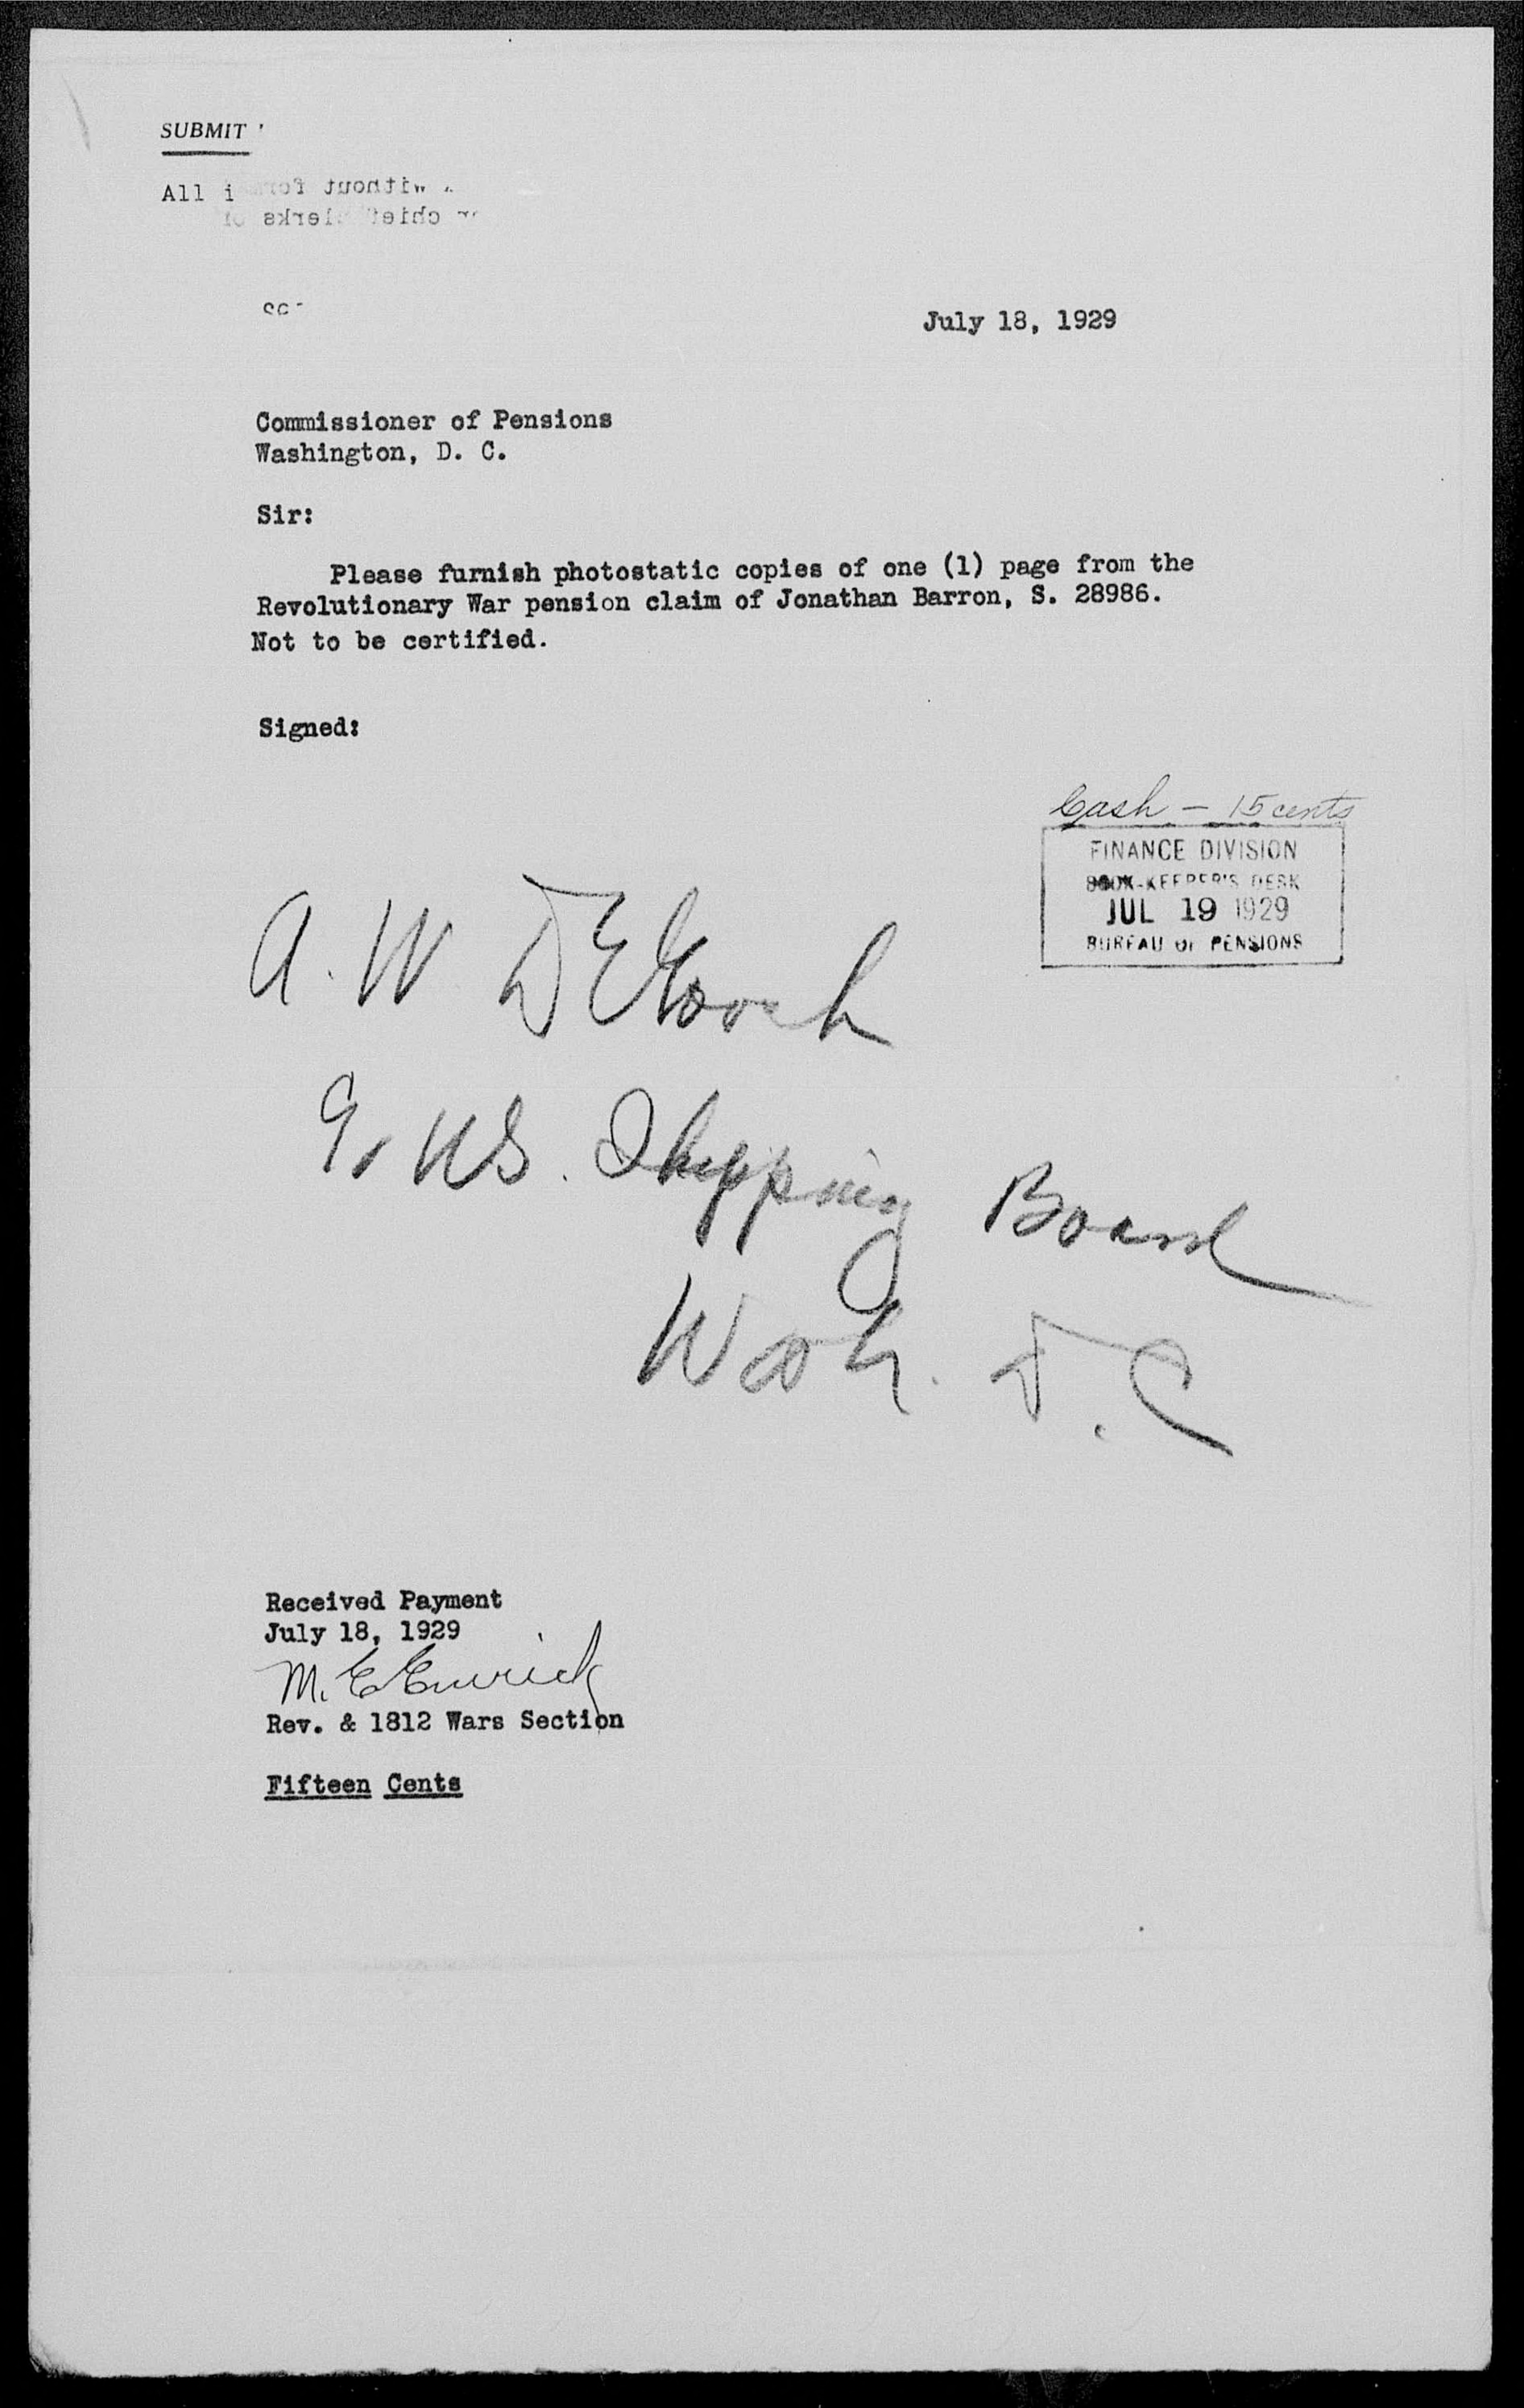SUBMIT
All i 
[there are mirrored words from bleed through or ink residue from another form backwards and illegible]

July 18, 1929

Commissioner of Pensions
Washington, D. C. 

Sir:
Please furnish photostatic copies of one (1) page from the Revolutionary War pension claim of Jonathan Barron, S. 28986. Not to be certified.

Signed:
A. W DEGoosh
9. US Shipping Board
Wash. D. C. 

[There is a square stamp to the right with the words 
FINANCE DIVISION 
BOOKEEPERS DESK
JUL 19 1929
BUREAU OF PENSIONS
and written above the stamp: Cash - 15 cents]

Received Payment 
July 18, 1929
M. E. Emrick [signed]
Rev. & 1812 Wars Section 
Fifteen Cents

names: M E Emrick, A W De Goosh, Jonathan Barron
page: 12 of 25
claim: survivor's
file: S. 28986, Jonathan Barron, N.H.